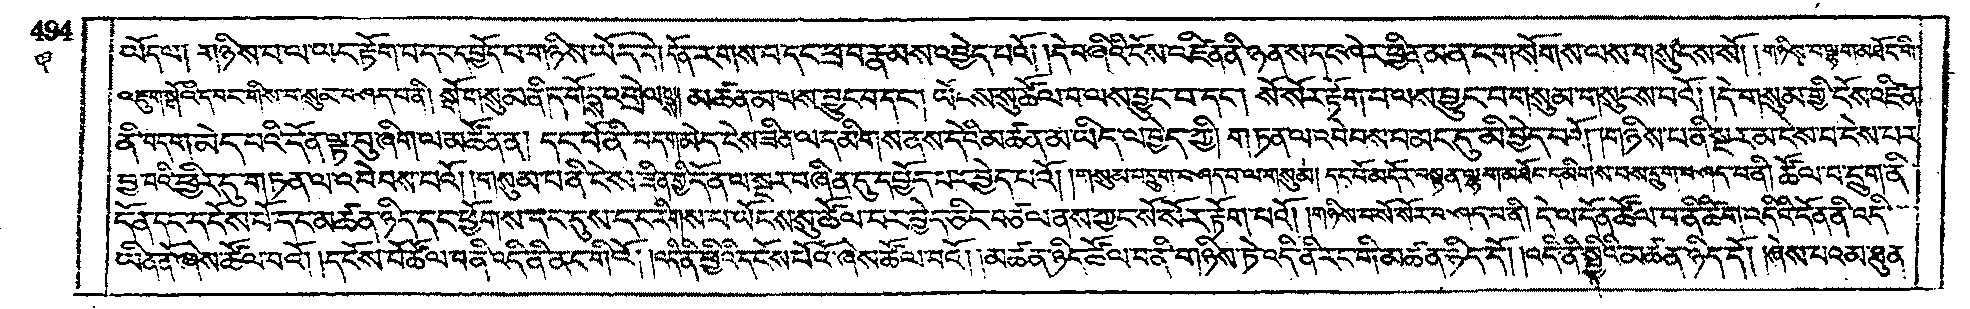ཡོད་ལ། གཉིས་པ་ལ་ཡང་རྟོག་པ་དང་དཔྱོད་པ་གཉིས་ཡོད་དེ། དོན་རགས་པ་དང་ཕྲ་བ་རྣམས་འབྱེད་པའོ། །དེ་བཞིའི་ངོས་ཛིན་ནི་ཉན་ས་དང་ཤེར་ཕྱིན་མན་ངག་སོགས་ལས་གསུངས་སོ། །གཉིས་པ་ལྷག་མཐོང་གི་
འཇུག་སྒོའི་དབང་གིས་གསུམ་བཤད་པ་ནི། སྒོ་གསུམ་ནི། དགོངས་འགྲེལ་ལས། མཚན་མ་ལས་བྱུང་བ་དང་། ཡོངས་སུ་ཚོལ་བ་ལས་བྱུང་བ་དང་། སོ་སོར་རྟོག་པ་ལས་བྱུང་བ་གསུམ་གསུངས་པའོ། །དེ་གསུམ་གྱི་ངོས་འཛིན་
ནི་བདག་མེད་པའི་དོན་ལྟ་བུ་ཞིག་ལ་མཚོན་ན། དང་པོ་ནི་བདག་མེད་ངེས་ཟིན་ལ་དམིགས་ནས་དེའི་མཚན་མ་ཡིད་ལ་བྱེད་ཀྱི། གཏན་ལ་འབེབས་བ་མང་དུ་མི་བྱེད་པའོ། །གཉིས་པ་ནི་སྔར་མ་ངེས་པ་ངེས་པར་
བྱ་བའི་ཕྱིར་དུ་གཏན་ལ་འབེབས་པའོ། །གསུམ་པ་ནི་ངེས་ཟིན་གྱི་དོན་ལ་སྔར་བཞིན་དུ་དཔྱོད་པར་བྱེད་པའོ། ། གསུམ་པ་དྲུག་བཤད་པ་ལ་གསུམ། དང་པོ་མདོར་བསྟན་ལྷག་མཐོང་དམིགས་པས་དྲུག་བཤད་པ་ནི། ཚོལ་བ་དྲུག་ནི་
དོན་དང་དངོས་པོ་དང་མཚན་ཉིད་དང་ཕྱོགས་དང་དུས་དང་རིགས་པ་ཡོངས་སུ་ཚོལ་བར་བྱེད་ཅིང་བཙལ་ནས་ཀྱང་སོ་སོར་རྟོག་པའོ། ། གཉིས་པ་སོ་སོར་བཤད་པ་ནི། དེ་ལ་དོན་ཚོལ་བ་ནི་ཚིག་འདིའི་དོན་ནི་འདི་
ཡིན་ནོ་ཞེས་ཚོལ་བའོ། །དངོས་པོ་ཚོལ་བ་ནི་འདི་ནི་ནང་གིའོ། །འདི་ནི་ཕྱིའི་དངོས་པོའི་ཞེས་ཚོལ་བའོ། །མཚན་ཉིད་ཚོལ་བ་ནི་གཉིས་ཏེ་འདི་ནི་རང་གི་མཚན་ཉིད་དོ། །འདི་ནི་སྤྱིའི་མཚན་ཉིད་དོ། །ཞེས་པའམ་ཐུ་